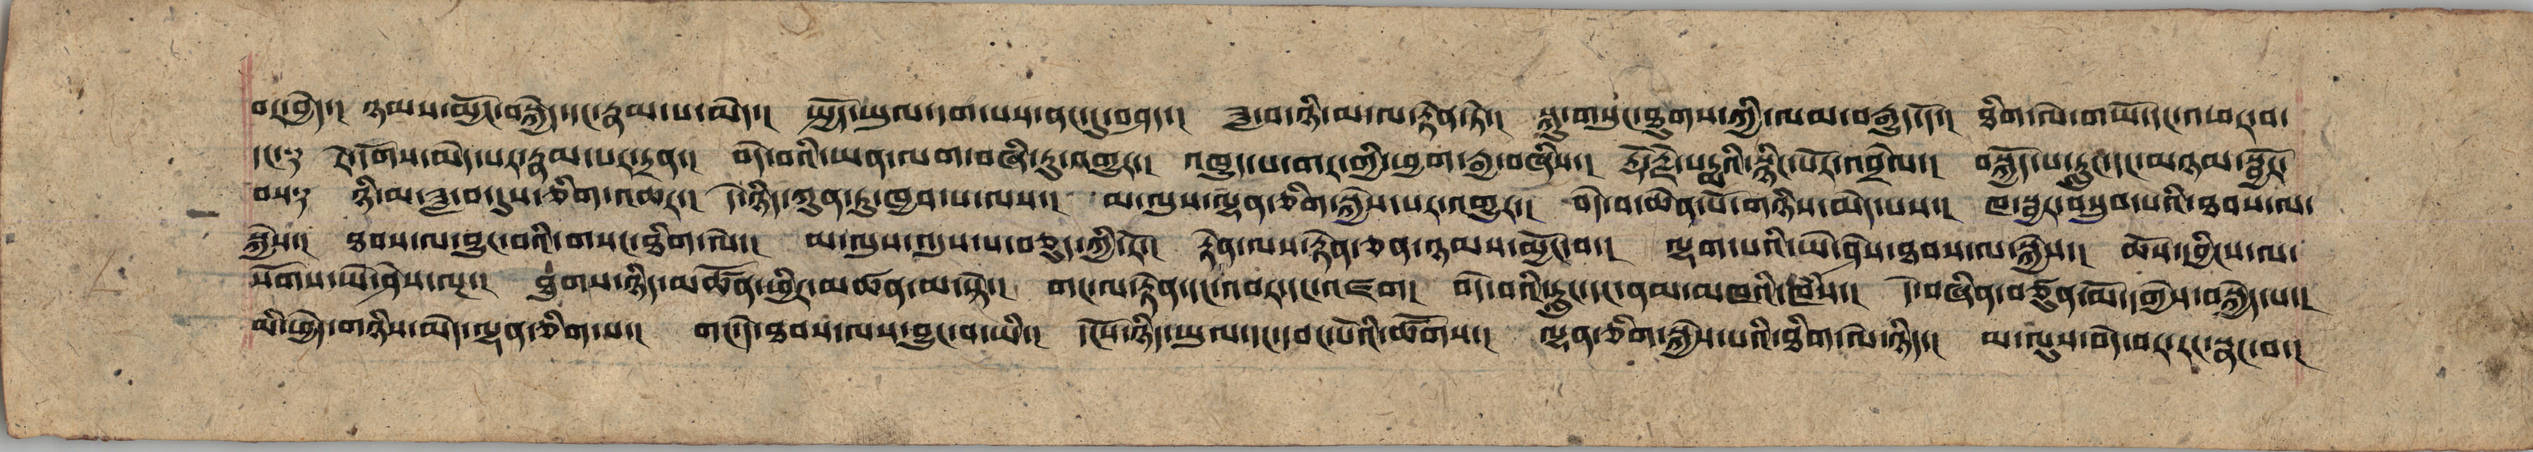བར་བྱེད་། ཉམས་མྱོང་བསྐྱེད་དང་རྣམ་པ་མེད་། སྤྱོད་ཡུལ་དག་པས་ནང་དུ་བཤད་། ཟླ་བ་ཉི་མ་ལ་རྟེན་ཏེ་། སྐུ་གསུང་ཐུགས་ཀྱི་ལམ་བརྒྱུད་དོ་། ཐིག་ལེ་གཡོ་དང་འཕར་བ་
དང་༑ རེ་དོགས་མེད་པར་རྣམ་པར་དྲན་། བདེ་བའི་ཡན་ལག་བཞི་རུ་འགྱུར་། འཁྱུད་པ་གར་གྱི་ཕྱག་རྒྱ་བཞིས་། རྡོ་རྗེ་པདྨའི་སྙིང་པོར་འབྲེལ་། བསྐྱོད་པ་རླུང་དང་མཉམ་སྦྱོར་
བས༑ ཉི་མ་ཟླ་བ་དུས་ཅིག་འཆར་། དེ་ཉིད་ཀུན་ཏུ་ཁྱབ་པ་ལས་། མ་ལུས་ལྷན་ཅིག་སྐྱེས་པར་འགྱུར་། བདེ་བ་ཆེན་པོ་གཉིས་མེད་པས་། ཁ་སྦྱར་བསྲུབ་པའི་ཐབས་ལ་
སྐྱེས་། ཐབས་ལ་བྱུང་བའི་གསང་ཐིག་ལེ་། མ་ལུས་འདུས་པ་བཅུད་ཀྱི་རོ་། རྟེན་ལས་རྟེན་ཅན་ཉམས་མྱོང་བ་། ལྷག་པའི་ཡེ་ཤེས་ཐབས་ལ་སྐྱེས་། ཆོས་དབྱིངས་ལ་
སོགས་ཡེ་ཤེས་ལྔ་། ཐུགས་ཉིད་མཚོན་ཕྱིར་མཚན་མ་སྟེ་། གང་ལ་རྟེན་དང་འབར་དང་འཛག། བདེ་བའི་རླུང་དང་ནམ་མཁའི་ཁཾས་། དེ་བཞིན་བཙུན་མོ་དགྱེས་བསྐྱེད་པ་།
མི་ཕྱེད་གཉིས་མེད་ལྷན་ཅིག་པ་། གང་དེ་ཐབས་ལས་བྱུང་བ་ཡི་། དངོས་ཉིད་ཡུལ་དང་དབང་པོའི་ཚོགས་། ལྷན་ཅིག་སྐྱེས་པའི་ཐིག་ལེ་ཉིད་། མ་ལུས་བདེ་བར་རང་སྣང་བ་།